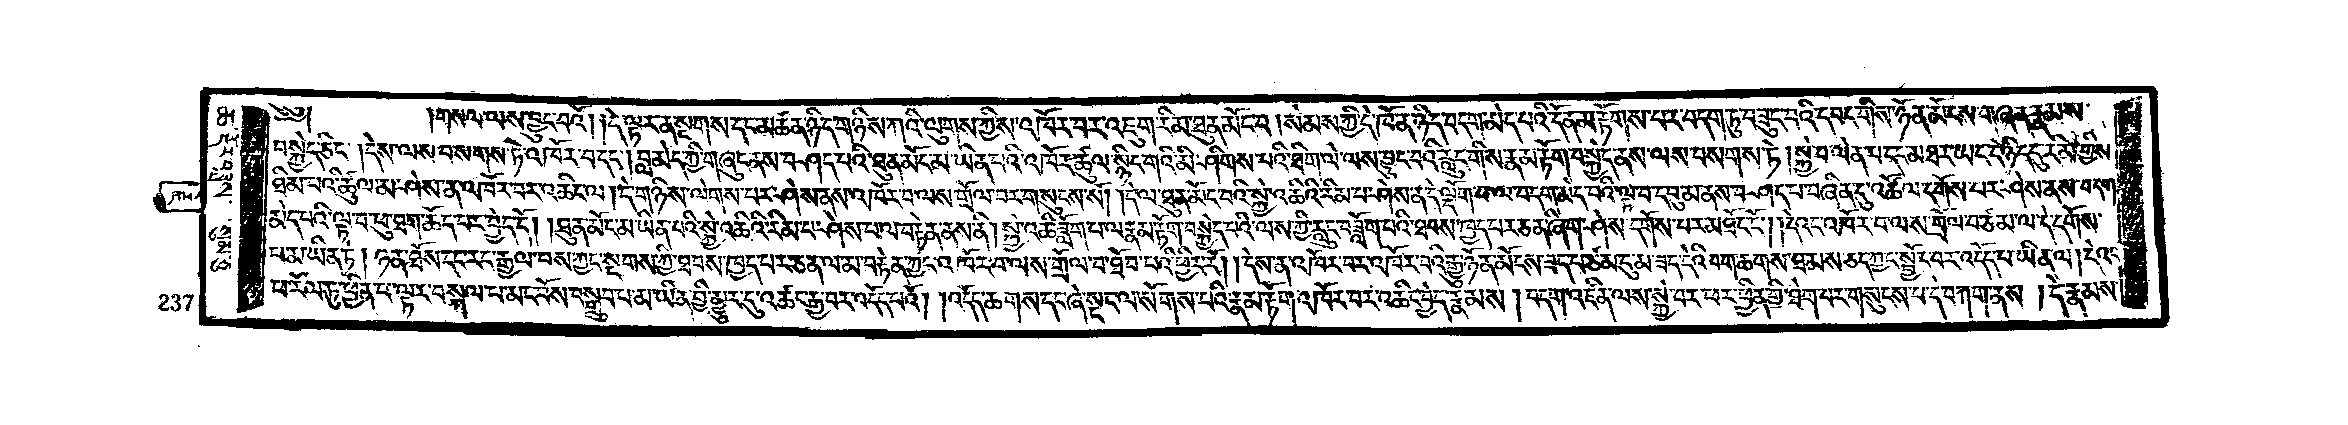༄༅། །གསལ་ལས་བྱུང་བའོ། །དེ་ལྟར་ན་སྔགས་དང་མཚན་ཉིད་གཉིས་ཀའི་ལུགས་ཀྱིས་འཁོར་བར་འཇུག་རིམ་ཐུན་མོང་བ། སེམས་ཀྱི་དེ་ཁོ་ན་ཉིད་བདག་མེད་པའི་དོན་མ་རྟོགས་པར་བདག་ཏུ་བཟུང་བའི་དབང་གིས་ཉོན་མོངས་གཞན་རྣམས་
བསྐྱེད་ཅིང་། དེས་ལས་བསགས་ཏེ་འཁོར་བ་དང་། བླ་མེད་ཀྱི་གཞུང་ནས་བཤད་པའི་ཐུན་མོང་མ་ཡིན་པའི་འཁོར་ཚུལ་སྙིང་གའི་མི་ཤིགས་པའི་ཐིག་ལེ་ལས་བྱུང་བའི་རླུང་གིས་རྣམ་རྟོག་བསྐྱེད་ནས་ལས་བསགས་ཏེ། སྐྱེ་བ་ལེན་པ་དང་མཐར་ཡང་དེ་ཉིད་དུ་རིམ་གྱིས་
ཐིམ་པའི་ཚུལ་མ་ཤེས་ན་འཁོར་བར་འཆིང་ལ། དེ་གཉིས་ལེགས་པར་ཤེས་ནས་འཁོར་བ་ལས་གྲོལ་བར་གསུངས་སོ། །དེ་ལ་ཐུན་མོང་བའི་སྐྱེ་འཆིའི་རིམ་པ་ཤེས་ན་དེ་ལྡོག་པ་ལ་བདག་མེད་པའི་ལྟ་བ་དབུ་མ་ནས་བཤད་པ་བཞིན་དུ་འཚོལ་དགོས་པར་ཤེས་ནས་བདག་
མེད་པའི་ལྟ་བ་ཕུ་ཐག་ཆོད་པར་བྱེད་དོ། །ཐུན་མོང་མ་ཡིན་པའི་སྐྱེ་འཆིའི་རིམ་པ་ཤེས་པ་ལ་བརྟེན་ནས་ནི། སྐྱེ་འཆི་ཟློག་པ་ལ་རྣམ་རྟོག་བསྐྱེད་པའི་ལས་ཀྱི་རླུང་བཟློག་པའི་ཐབས་ཁྱད་པར་ཅན་ཞིག་ཤེས་དགོས་པར་མཐོང་ངོ། །དེའང་འཁོར་བ་ལས་གྲོལ་བ་ཙམ་ལ་དེ་དགོས་
པ་མ་ཡིན་ཏེ། ཉན་ཐོས་དང་རང་རྒྱལ་བས་ཀྱང་སྔགས་ཀྱི་ཐབས་ཁྱད་པར་ཅན་ལ་མ་བརྟེན་ཀྱང་འཁོར་བ་ལས་གྲོལ་བ་ཐོབ་པའི་ཕྱིར་རོ། །དེས་ན་འཁོར་བར་འཁོར་བའི་རྒྱུ་ཉོན་མོངས་ཟད་པ་ཙམ་དུ་མ་ཟད་དེའི་བག་ཆགས་ཐམས་ཅད་ཀྱང་སྦྱོང་བར་འདོད་པ་ཡིན་ལ། དེའང་
ཕ་རོལ་ཏུ་ཕྱིན་པ་ལྟར་བསྐལ་པ་མང་པོས་བསྒྲུབ་པ་མ་ཡིན་བྱི་མྱུར་དུ་འཚང་རྒྱ་བར་འདོད་པའོ། །འདོད་ཆགས་དང་ཞེ་སྡང་ལ་སོགས་པའི་རྣམ་རྟོག་འཁོར་བར་འཆིང་བྱེད་རྣམས། བདག་འཛིན་ལས་སྐྱེ་བར་ཕར་ཕྱིན་གྱི་ཐེག་པར་གསུངས་པ་དེ་བཀག་ནས། དེ་རྣམས་